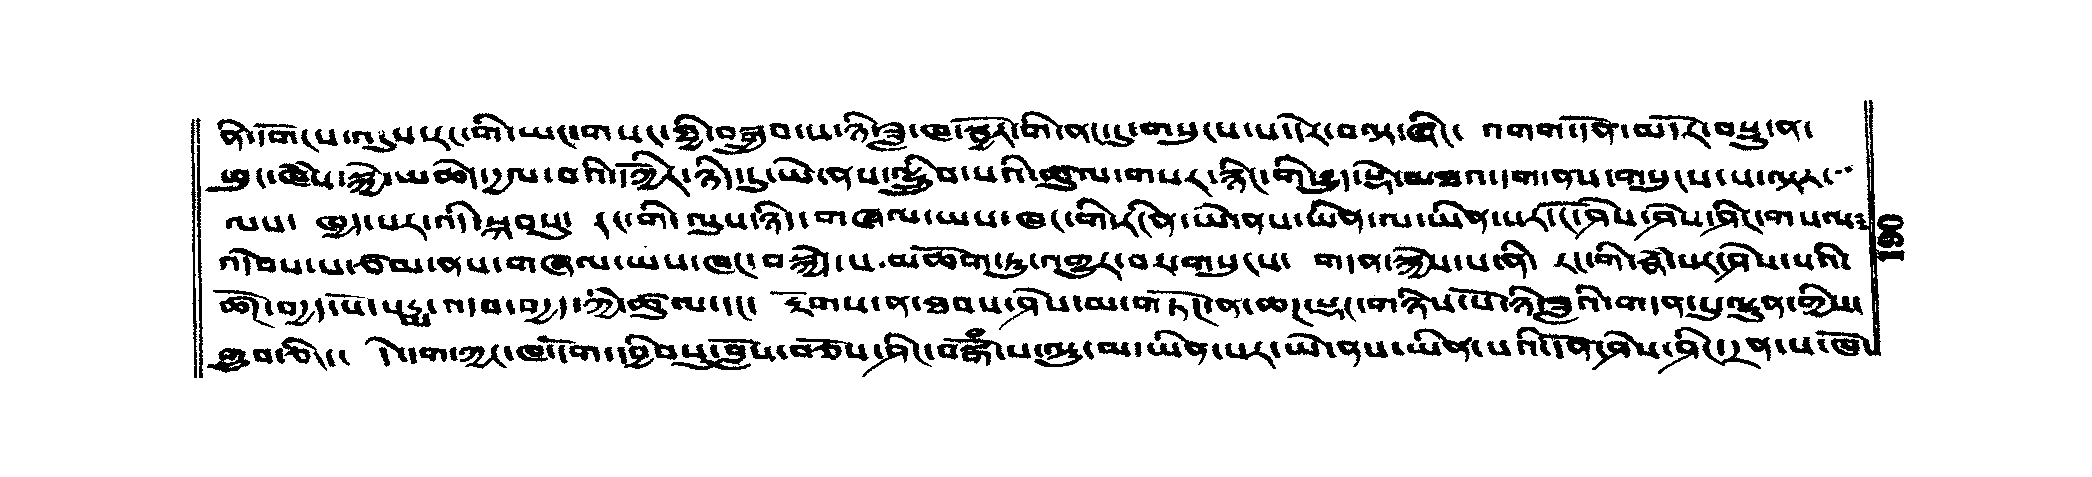ནི་དགོངས་འདུས་རང་གི་ཡང་གསང་ཐུགས་ཀྱི་བསྒྲུབ་པ་ཉི་ཟླ་ཁ་སྦྱོར་གྱི་ནང་དུ་གསུངས་པ་དེར་བལྟ་ཞིང་། འགག་དོན་མ་རོ་བསྡུ་ན་
ཕུང་ཁམས་སྐྱེ་མཆེད་རྒྱལ་བའི་དཀྱིལ་འཁོར་ཉིད་དུ་ཡེ་ནས་ལྷུན་གྱིས་གྲུབ་པའི་ཚུལ་གསར་སྙིང་གི་རྒྱུད་སྡེ་མཐའ་དག་ནས་གསུངས་པ་ལྟར་
ལས། ཁྱད་པར་འདི་སྐབས་སུ། རང་གི་ལུས་ཉིད་གཞལ་ཡས་ཁང་གི་རང་བཞིན་ཡེ་ནས་ཡིན་ལ་ཡིན་པར་ངོ་ཤེས་ཤེས་ཤིང་གསལ་
འདེབས་པ་ཙམ་ནས་གཞལ་ཡས་ཁང་བསྐྱེད་པ་མཆོག་ཏུ་འགྱུར་བར་གསུངས། གདན་སྐྱེས་པ་ནི། རང་གི་རྣམ་པར་ཤེས་པའི་
ཚོགས་བརྒྱད་པོ་པདྨ་འདབ་བརྒྱད་ཀྱི་ཚུལ་དང་། རྟོགས་ན་ཐབས་ཤེས་མ་གཏོགས་ན་ཆགས་སྡང་གཉིས་པོ་ཉི་ཟླའི་གདན་དུ་ལྷུན་གྱིས་
གྲུབ་ཅིང་། དེ་དག་ཀྱང་ཁ་དོག་དབྱིབས་སུ་བློས་བཅོས་ཤིང་བསྒོམ་པ་ལྟ་བུ་མ་ཡིན་པར་ཡེ་ནས་ཡིན་པའི་དོན་ཤེས་ཤིང་དྲན་པ་ཁོ་